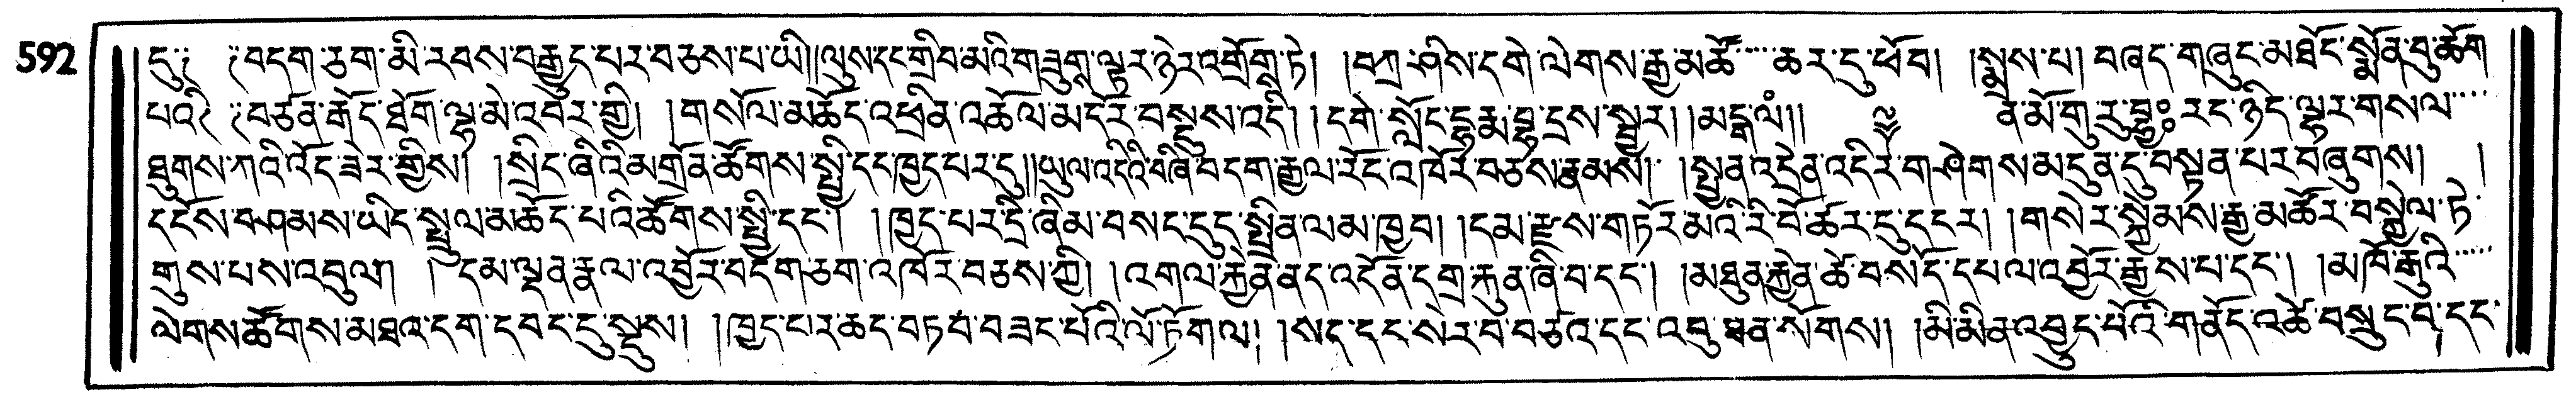དུ༑ ༑བདག་ཅག་མི་རབས་བརྒྱུད་པར་བཅས་པ་ཡི། །ལུས་དང་གྲིབ་མའི་གཟུགས་ལྟར་ཉེར་འགྲོགས་ཏེ། །བཀྲ་ཤིས་དགེ་ལེགས་རྒྱ་མཚོ་་་ཆར་དུ་ཕོབ། །སྨྲས་པ། བཞད་གཞུང་མཐོང་སྨོན་བུ་ཆོག་
པའི༑ ༑བཙན་རྒོད་ཐོག་ལྷ་མེ་འབར་གྱི། །གསོལ་མཆོད་འཕྲིན་འཆོལ་མདོར་བསྡུས་འདི། །དགེ་སློང་དྷརྨ་བྷ་དྲས་སྦྱར། །མངྒ་ལཾ།། འ་ན་མོ་གུ་རུ་བྷྱཿ རང་ཉིད་ལྷར་གསལ་་་
ཐུགས་ཀའི་འོད་ཟེར་གྱིས། །སྲིད་ཞིའི་མགྲོན་ཚོགས་སྤྱི་དང་ཁྱད་པར་དུ། །ཡུལ་འདིའི་བཞི་བདག་རྒྱལ་རོང་འཁོར་བཅས་རྣམས། །སྤྱན་འདྲེན་འདིར་གཤེགས་མདུན་དུ་བསྟན་པར་བཞུགས། །
དངོས་བཤམས་ཡིད་སྤྲུལ་མཆོད་པའི་ཚོགས་སྤྱི་དང་། །ཁྱད་པར་དྲི་ཞིམ་བསང་དུད་སྤྲིན་ལམ་ཁྱབ། །དམ་རྫས་གཏོར་མའི་རི་བོ་ཚར་དུ་དངར། །གསེར་སྐྱེམས་རྒྱ་མཚོར་བསྐྱེལ་ཏེ་
གུས་པས་འབུལ། །དམ་ལྡན་རྣལ་འབྱོར་བདག་ཅག་འཁོར་བཅས་ཀྱི། །འགལ་རྐྱེན་ནད་འདོན་དགྲ་རྐུན་ཞི་བ་དང་། །མཐུན་རྐྱེན་ཚེ་བསོད་དཔལ་འབྱོར་རྒྱས་པ་དང་། །མཁོ་རྒུའི་་་
ལེགས་ཚོགས་མཐའ་དག་དབང་དུ་སྡུས། །ཁྱད་པར་ཆད་བཏབ་བཟང་པོའི་ལོ་ཏོག་ལ། །སད་དང་སེར་བ་བཙའ་དང་འབུ་ཐན་སོགས། །མི་མིན་འབྱུང་པོའི་གནོད་འཚེ་བསྲུང་བ་དང་